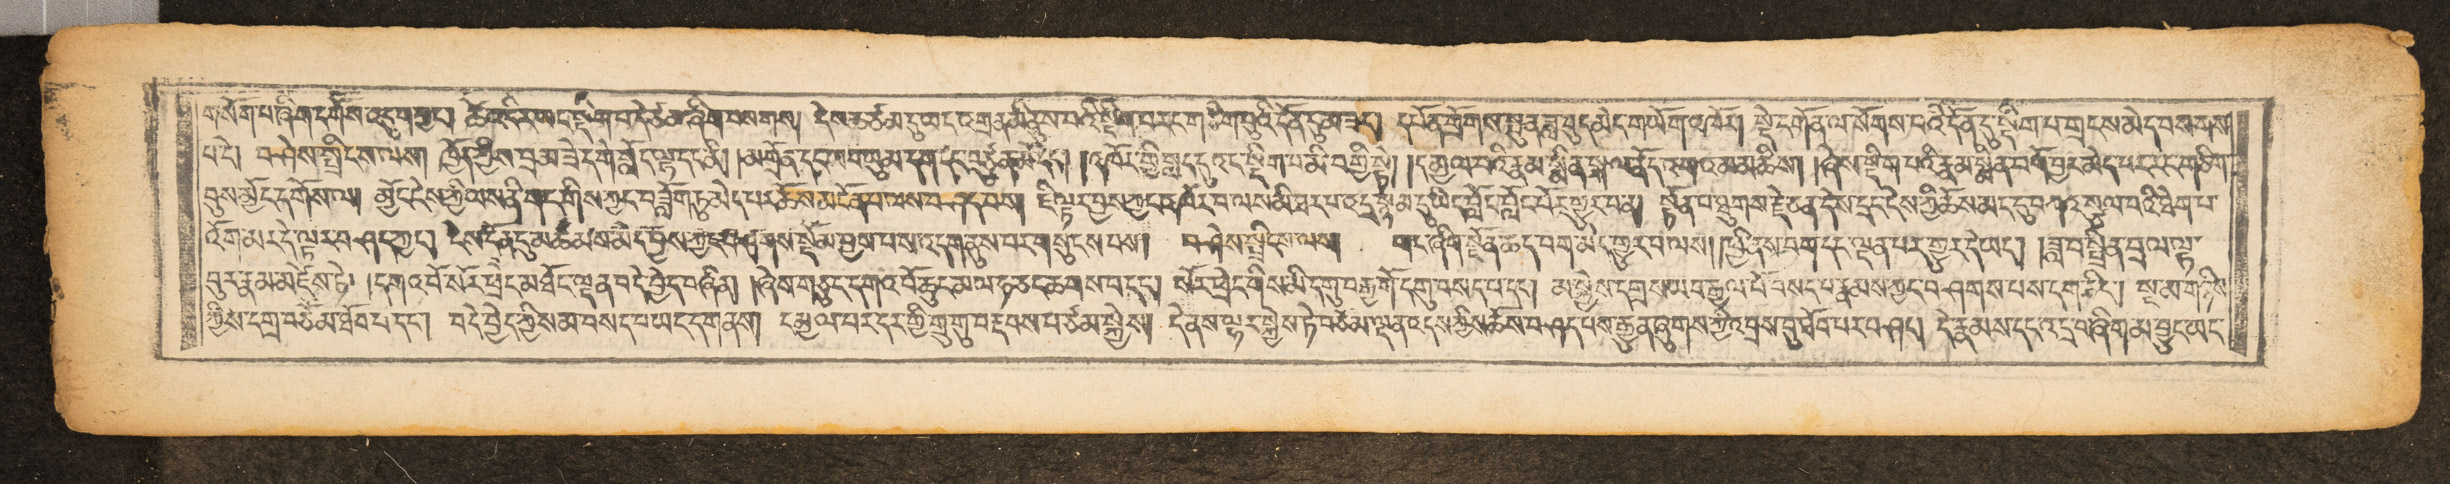གསོག་པ་ཞིག་དགོས་འདུག་ཀྱང་། ཚེ་འདིར་ཡང་སྡིག་པ་དེ་ཙམ་ཞིག་བསགས། དེས་ཆ་ཙམ་དུ་ཡང་འགྲན་མི་ནུས་པའི་སྡིག་པ་རང་གཅིག་བུའི་དོན་དུ་མ་ཟད། དཔོན་གྲོགས་སྤུན་ཟླ་བུད་མེད་གཡོག་འཁོར། སྡེ་དགོན་ལ་སོགས་པའི་དོན་དུ་སྡིག་པ་གྲངས་མེད་བསགས་
པ་དེ། བཤེས་སྤྲིངས་ལས། ཁྱོད་ཀྱིས་བྲམ་ཟེ་དགེ་སློང་ལྷ་དང་ནི། །མགྲོན་དང་ཡབ་ཡུམ་དག་དང་བཙུན་མོ་དང་། །འཁོར་གྱི་སླད་དུའང་སྡིག་པ་མི་བགྱི་སྟེ། །དམྱལ་བའི་རྣམ་སྨིན་སྐལ་ནོད་འགའ་མ་མཆིས། །ཞེས་སྡིག་པའི་རྣམ་སྨིན་བགོ་བྱར་མེད་པར་རང་གཅིག་
བུས་མྱོང་དགོས་ལ། མྱོང་ངེས་ཀྱི་ལས་ནི་གང་གིས་ཀྱང་བཟློག་ཏུ་མེད་པར་ཆོས་མངོན་པ་ལས་བཤད་པས། ཇི་ལྟར་བྱས་ཀྱང་འཁོར་བ་ལས་མི་ཐར་པ་འདྲ་སྙམ་དུ་ཡིད་བློང་བློང་པོར་གྱུར་པ་ན། སྟོན་པ་ཐུགས་རྗེ་ཅན་དེས་དྲང་ངེས་ཀྱི་ཆོས་མང་དུ་བཀའ་སྩལ་བའི་ཐེག་པ་
འོག་མར་དེ་ལྟར་བཤད་ཀྱང་། ངེས་དོན་དུ་མཚམས་མེད་བྱས་ཀྱང་བཤགས་སྡོམ་བྱས་པས་འདག་ནུས་པར་གསུངས་པས། བཤེས་སྤྲིངས་ལས། གང་ཞིག་སྔོན་ཆད་བག་མེད་གྱུར་པ་ལས། །ཕྱི་ནས་བག་དང་ལྡན་པར་གྱུར་དེ་ཡང་། །ཟླ་བ་སྤྲིན་བྲལ་ལྟ་
བུར་རྣམ་མཛེས་ཏེ། །དགའ་བོ་སོར་ཕྲེང་མཐོང་ལྡན་བདེ་བྱེད་བཞིན། །ཞེས་གཅུང་དགའ་བོ་ཆུང་མ་ལ་ཧ་ཅང་ཆགས་པ་དང་། སོར་ཕྲེང་གིས་མི་དགུ་བརྒྱ་གོ་དགུ་བསད་པ་དང་། མ་སྐྱེས་དགྲས་ཡབ་རྒྱལ་པོ་བསད་པ་རྣམས་ཀྱང་བཤགས་པས་དག་ཅིང་། སྔ་མ་གཉིས་
ཀྱིས་དགྲ་བཅོམ་ཐོབ་པ་དང་། བདེ་བྱེད་ཀྱིས་མ་བསད་པ་ཡང་དག་ནས། དམྱལ་བར་དར་གྱི་གྲུ་གུ་བརྡབས་པ་ཙམ་སྐྱེས། དེ་ནས་ལྟར་སྐྱེས་ཏེ་བཅོམ་ལྡན་འདས་ཀྱིས་ཆོས་བཤད་པས་རྒྱུན་ཞུགས་ཀྱི་འབྲས་བུ་ཐོབ་པར་བཤད། དེ་རྣམས་དང་འདྲ་བ་ཞིག་མ་བྱུང་ཡང་